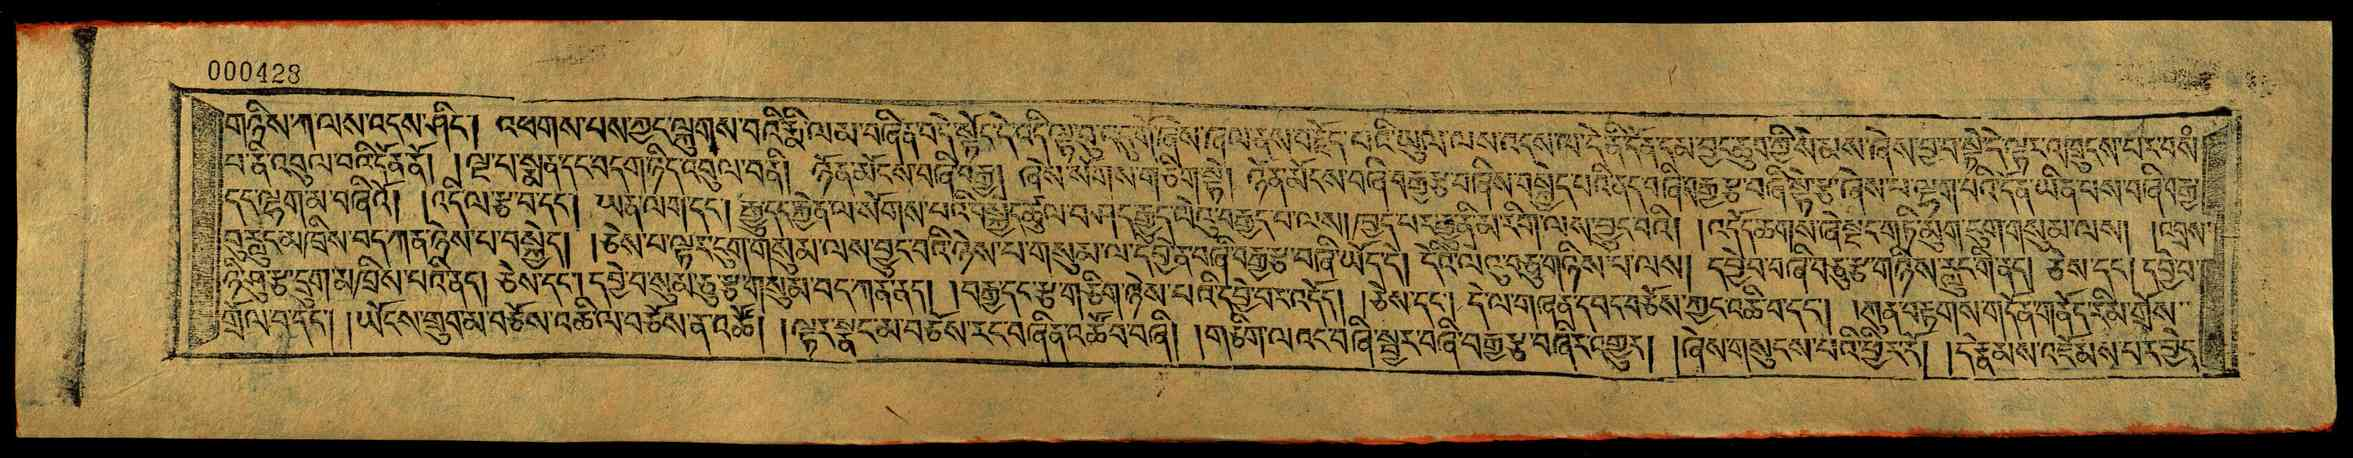གཉིས་ཀ་ལས་འདས་ཤིང་། འཕགས་པས་ཀྱང་ལྐུགས་པའི་རྨི་ལམ་བཞིན་བདེ་སྟོང་དེ་འདི་ལྟ་བུ་འདུག་གོ་ཞེས་ཞལ་ནས་བརྗོད་པའི་ཡུལ་ལས་འདས་ལ་དེ་ནི་དོན་དམ་བྱང་ཆུབ་ཀྱི་སེམས་ཞེས་བྱ་བ་སྟེ་དེ་ལྟར་འཁྲུངས་པར་བསཾ་
པ་ནི་འབུལ་བའི་དོན་ནོ། །ལྔ་པ་སྨན་དང་བདག་ཉིད་འབུལ་བ་ནི། ཉོན་མོངས་བཞི་བརྒྱ། ཞེས་སོགས་གཅིག་སྟེ། ཉོན་མོངས་བཞི་བརྒྱ་རྩ་བཞིས་བསྐྱེད་པའི་ནད་བཞི་བརྒྱ་རྩ་བཞི་སྟེ་རྩ་ཞེས་པ་ལྷག་པའི་དོན་ཡིན་པས་བཞི་བརྒྱ་
དང་ལྷག་མ་བཞིའོ། །འདི་ལ་རྩ་བ་དང་། ཡན་ལག་དང་། རྒྱུ་དང་རྐྱེན་ལ་སོགས་པའི་བསྐྱེད་ཚུལ་བཤད་རྒྱུད་ལེའུ་བརྒྱད་པ་ལས། ཁྱད་པར་རྒྱུ་ནི་མ་རིག་ལས་བྱུང་བའི། །འདོད་ཆགས་ཞེ་སྡང་གཏི་མུག་དུག་གསུམ་ལས། །འབྲས་
བུ་རླུང་མཁྲིས་བད་ཀན་ཉེས་པ་བསྐྱེད། །ཅེས་པ་ལྟར་དུག་གསུམ་ལས་བྱུང་བའི་ཉེས་པ་གསུམ་ལ་དབྱེ་ན་བཞི་བརྒྱ་རྩ་བཞི་ཡོད་དེ། དེའི་ལེའུ་བཅུ་གཉིས་པ་ལས། དབྱེ་བ་བཞི་བཅུ་རྩ་གཉིས་རླུང་གི་ནད། ཅེས་དང་། དབྱེ་བ་
ཉི་ཤུ་རྩ་དྲུག་མཁྲིས་པའི་ནད། ཅེས་དང་། དབྱེ་བ་སུམ་ཅུ་རྩ་གསུམ་བད་ཀན་ནད། །བརྒྱ་དང་རྩ་གཅིག་ཉེས་པའི་དབྱེ་བར་འདོད། །ཅེས་དང་། དེ་ལ་གཞན་དབང་བཅོས་ཀྱང་འཆི་བ་དང་། །ཀུན་བརྟགས་གདོན་གནོད་རིམ་གྲོས་
གྲོལ་བ་དང་། །ཡོངས་གྲུབ་མ་བཅོས་འཆི་ལ་བཅོས་ན་འཚོ། །ལྟར་སྣང་མ་བཅོས་རང་བཞིན་འཚོ་བ་བཞི། །གཅིག་ལའང་བཞི་སྦྱར་བཞི་བརྒྱ་རྩ་བཞིར་འགྱུར། །ཞེས་གསུངས་པའི་ཕྱིར་རོ། །དེ་རྣམས་འཇོམས་པར་བྱེད་